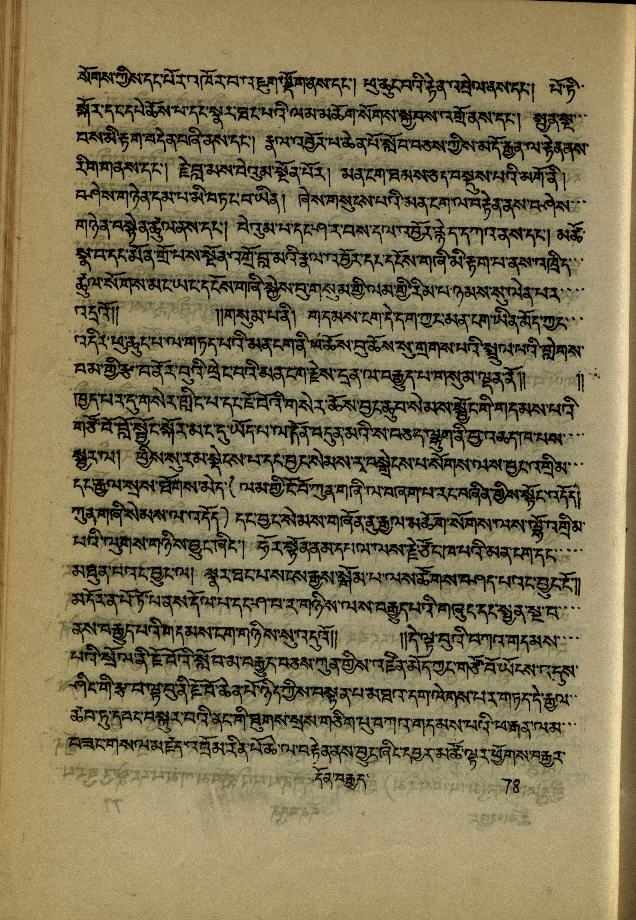སོགས་ཀྱིས་དང་པོར་འཁོར་བ་འཇུག་ལྡོག་ནས་དང་། ཕུ་ཆུང་བའི་རྟེན་འབྲེལ་ནས་དང་། པོ་ཏི་
སྐོར་དང་དཔེ་ཆོས་པ་དང་སྣར་ཐང་པའི་ལམ་མཆོག་སོགས་སྐྱབས་འགྲོ་ནས་དང་། སྤྱན་སྔ་
བས་མི་རྟག་བདེན་བཞི་ནས་དང་། རྣལ་འབྱོར་པ་ཆེན་པོ་སློབ་བཅས་ཀྱིས་མདོ་རྒྱན་ལ་རྟེན་ནས་
རིག་གནས་དང་། རྗེ་བླ་མས་བེའུམ་སྔོན་པོར། མན་ངག་ཐམས་ཅད་བསྡུས་པའི་མགོ་ནི།
བཤེས་གཉེན་དམ་པ་མི་བཏང་བ་ཡིན། ཞེས་གསུངས་པའི་མན་ངག་ལ་བརྟེན་ནས་བཤེས་
གཉེན་བསྟེན་ཚུལ་ནས་དང་། བེའུམ་པ་དང་ཤར་བས་དལ་འབྱོར་རྙེད་དཀའ་ནས་དང་། མཚོ་
སྣ་བ་དང་མོན་གྲོ་པས་སྔོན་འགྲོ་བླ་མའི་རྣལ་འབྱོར་དང་དངོས་གཞི་མི་རྟག་པ་ནས་འཁྲིད་
ཚུལ་སོགས་མང་ཡང་དངོས་གཞི་སྐྱེས་བུ་གསུམ་གྱི་ལམ་གྱི་རིམ་པ་ཉམས་སུ་ལེན་པར་
འདྲའོ།། །།གསུམ་པ་ནི། གདམས་ངག་དེ་དག་ཀྱང་མན་ངག་ཡིན་མོད་ཀྱང་
འདིར་ཕུ་ཆུང་པ་ལ་གཏད་པའི་མན་ངག་ནི་ཕ་ཆོས་བུ་ཆོས་སུ་གྲགས་པའི་སྤྲུལ་པའི་གླེགས་
བམ་གྱི་རྩ་བ་ནོར་བུའི་ཕྲེང་བའི་མན་ངག་རྗེས་དྲན་ལ་བརྒྱུད་པ་གསུམ་ལྡན་ནོ།། །།
ཁྱད་པར་དུ་གསེར་གླིང་པ་དང་ཇོ་བོའི་གསེར་ཆོས་བྱང་ཆུབ་སེམས་སྦྱོང་གི་གདམས་པའི་
གཙོ་བོ་བློ་སྦྱོང་སྐོར་མང་དུ་ཡོད་པ་ལ་དོན་བདུན་མའི་ས་བཅད་ལྷུག་ནི་བྱ་འཆད་ཁ་པས་
སྦྱར་ལ། ཕྱིས་སུ་རམ་སྡེངས་པ་དང་བྱང་སེམས་རྭ་བསྒྲེངས་པ་སོགས་ལས་བྱང་འགྲིམ་
དང་རྒྱལ་སྲས་ཐོགས་མེད་ལམ་གྱི་ངོ་བོ་ཀུན་གཞི་ལ་བཞག་པ་རང་བཞིན་གྱིས་སྟོང་འདོད།
ཀུན་གཞི་སེམས་ལ་འདོད་དང་བྱང་སེམས་གཞོན་ནུ་རྒྱལ་མཆོག་སོགས་ལས་ལྷོ་འགྲིམ་
པའི་ལུགས་གཉིས་བྱུང་ཞིང་། ཧོར་སྟོན་ནམ་དཔལ་ལས་རྗེ་ཙོང་ཁ་པའི་མན་ངག་དང་
མཐུན་པའང་བྱུང་ལ། སྣར་ཐང་པ་སངས་རྒྱས་སྒོམ་པ་ལས་ཚོགས་བཤད་པའང་བྱུང་ངོ།།
མདོར་ན་པོ་ཏོ་པ་ནས་དོལ་པ་དང་ཤ་བ་ར་གཉིས་ལས་བརྒྱུད་པའི་གཞུང་དང་སྤྱན་སྔ་བ་
ནས་བརྒྱུད་པའི་གདམས་ངག་གཉིས་སུ་འདུའོ།། །།དེ་ལྟ་བུའི་བཀའ་གདམས་
པའི་སྲོལ་ནི་ཇོ་བོའི་སློབ་མ་བརྒྱུད་བཅས་ཀུན་གྱིས་འཛིན་མོད་ཀྱང་གཙོ་བོ་ཡོངས་འདུས་
ཤིང་གི་རྩ་བ་ལྟ་བུ་ནི་ཇོ་བོ་ཆེན་པོ་ཉིད་ཀྱིས་བསྟན་པ་མཐའ་དག་ལེགས་པར་གཏད་དེ་རྒྱལ་
ཚབ་ཏུ་དབང་བསྐུར་བའི་ནང་གི་ཐུགས་སྲས་གཅིག་པུ་བཀའ་གདམས་པའི་ཕ་རྒན་ལམ་
བཟང་གསལ་མཛད་འབྲོམ་རིན་པོ་ཆེ་ལ་བརྟེན་ནས་བྱུང་ཞིང་དབྱར་མཚོ་ལྟར་ཕྱོགས་བརྒྱར་